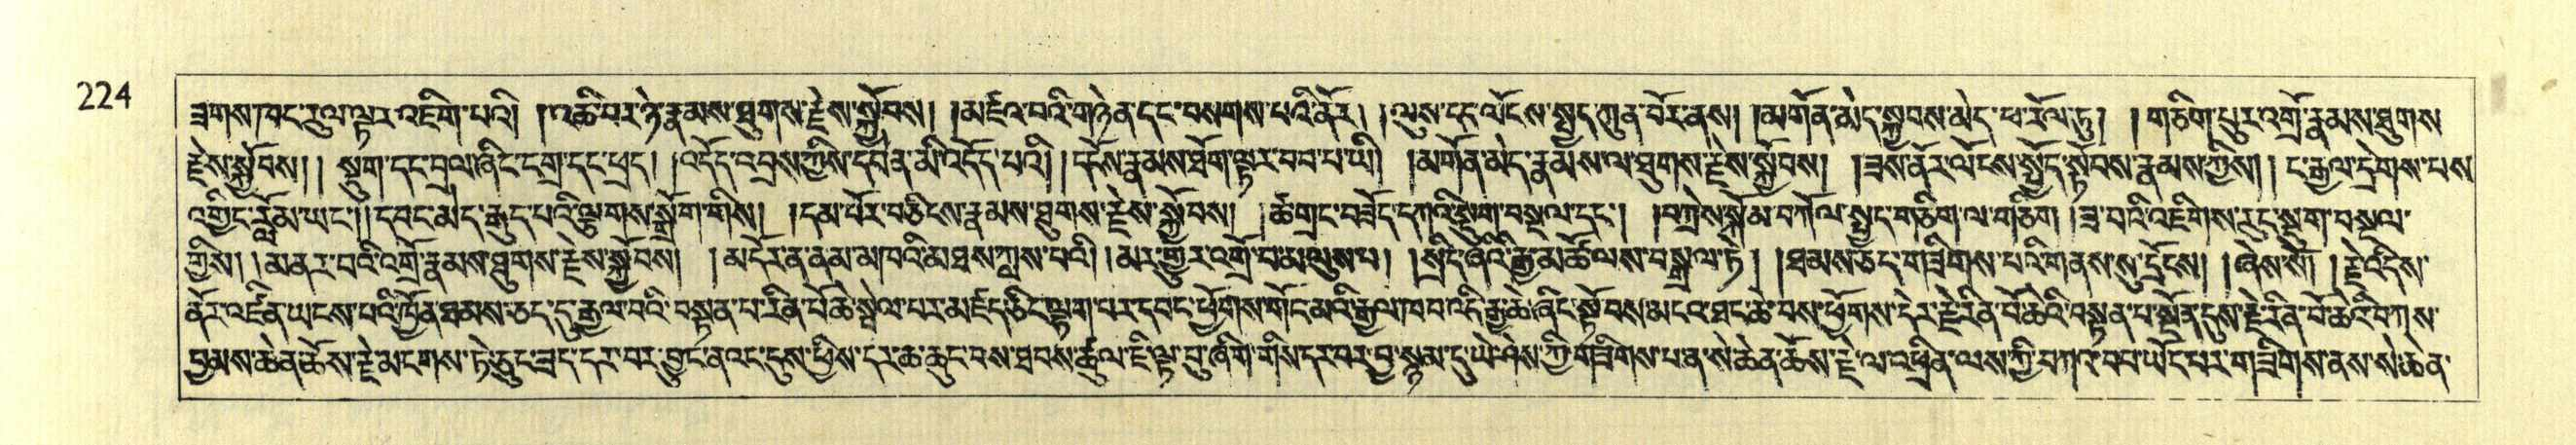ཟགས་ཁང་རུལ་ལྟར་འཇིག་པའི། །འཆི་བར་ཉེ་རྣམས་ཐུགས་རྗེས་སྐྱོབས། །མཛའ་བའི་གཉེན་དང་བསགས་པའི་ནོར། །ལུས་དང་ལོངས་སྤྱད་ཀུན་བོར་ནས། །མགོན་མེད་སྐྱབས་མེད་ཕ་རོལ་ཏུ། །གཅིག་པུར་འགྲོ་རྣམས་ཐུགས་
རྗེས་སྐྱོབས། །སྡུག་དང་བྲལ་ཞིང་དགྲ་དང་ཕྲད། །འདོད་འབྲས་ཀྱིས་དབེན་མི་འདོད་པའི། །དངོས་རྣམས་ཐོག་ལྟར་བབ་པ་ཡི། །མགོན་མེད་རྣམས་ལ་ཐུགས་རྗེས་སྐྱོབས། །ཟས་ནོར་ལོངས་སྤྱོད་སྟོབས་རྣམས་ཀྱིས། །ང་རྒྱལ་དྲེགས་པས་
འགྱིང་རློམ་ཡང་། །དབང་མེད་རྒུད་པའི་ལྕགས་སྒྲོག་གིས། །དམ་པོར་བཅིངས་རྣམས་ཐུགས་རྗེས་སྐྱོབས། །ཚ་གྲང་བཟོད་དཀའི་སྡུག་བསྔལ་དང་། །བཀྲེས་སྐོམ་བཀོལ་སྤྱད་གཅིག་ལ་གཅིག །ཟ་བའི་འཇིགས་རུང་སྡུག་བསྔལ་
གྱིས། །མནར་བའི་འགྲོ་རྣམས་ཐུགས་རྗེས་སྐྱོབས། །མདོར་ན་ནམ་མཁའི་མཐས་ཀླས་པའི། །མར་གྱུར་འགྲོ་བ་མ་ལུས་པ། །སྲིད་ཞིའི་རྒྱ་མཚོ་ལས་བསྒྲལ་ཏེ། །ཐམས་ཅད་གཟིགས་པའི་གནས་སུ་དྲོངས། །ཞེས་སོ། །རྗེ་འདིས་
ནོར་འཛིན་ཡངས་པའི་ཁྱོན་ཐམས་ཅད་དུ་རྒྱལ་བའི་བསྟན་པ་རིན་པོ་ཆེ་སྦེལ་པར་མཛད་ཅིང་ལྷག་པར་དབང་ཕྱོགས་གོང་མའི་རྒྱལ་ཁབ་འདི་རྒྱ་ཆེ་ཞིང་སྟོབས་མངའ་ཐང་ཆེ་བས་ཕྱོགས་དེར་རྗེ་རིན་པོ་ཆེའི་བསྟན་པ་སྔོན་དུས་རྗེ་རིན་པོ་ཆེའི་བཀས་
བྱམས་ཆེན་ཆོས་རྗེ་མངགས་ཏེ་ཅུང་ཟད་དར་བར་བྱུང་ནའང་དུས་ཕྱིས་དར་ཆ་ཆུང་བས་ཐབས་ཚུལ་ཇི་ལྟ་བུ་ཞིག་གིས་དར་བར་བྱ་སྙམ་དུ་ཡེ་ཤེས་ཀྱི་གཟིགས་པ་ན་སེ་ཆེན་ཆོས་རྗེ་ལ་འཕྲིན་ལས་ཀྱི་བཀའ་བབ་ཡོང་པར་གཟིགས་ནས་སེ་ཆེན་